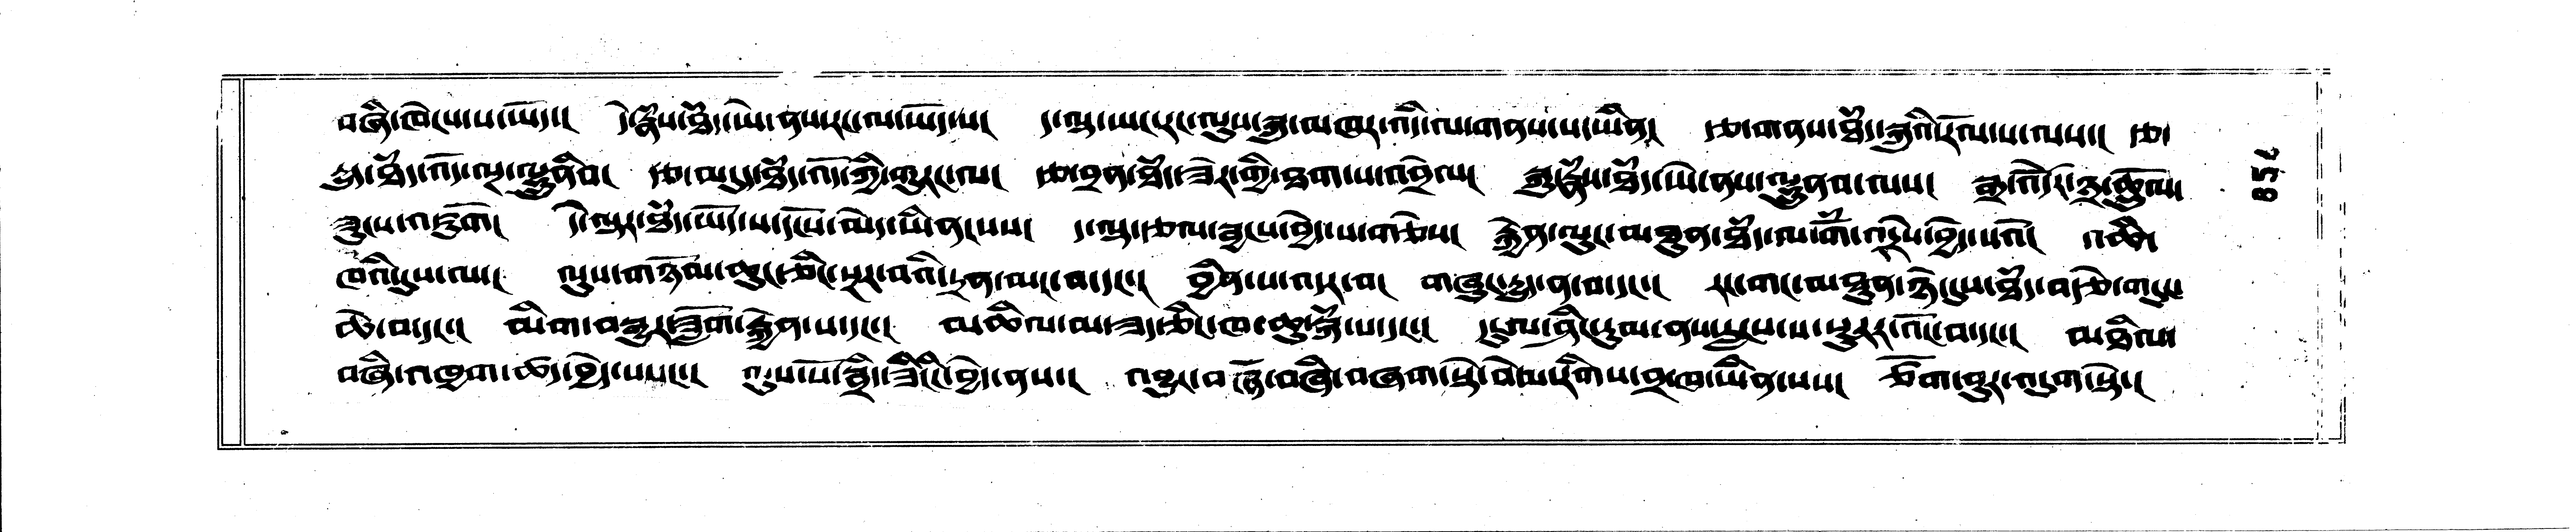བཞི་ཁེངས་པ་ཡོད། །དེ་རྣམས་ཐམས་ཅད་ཡེ་ནས་རང་ལ་ཡོད་ས། །ད་ལྟ་ཡང་རང་ལུས་སྐུ་མཁར་འདི་ལ་གནས་པ་ཡིན། །རྩ་གནས་ཐམས་ཅད་སྐུའི་རོལ་པ་ལས། །རྩ་
རྒྱུད་ཐམས་འོད་ལྔ་ལྷུན་གྱིས་གྲུབ། །རྩ་མདུད་ཐམས་ཅད་འོད་ཀྱི་གུར་ཁང་ལ། །རྩ་བྲན་ཐམས་ཅད་ཟེར་གྱི་ཐག་པ་འབྲེལ། །སྐུ་རྣམས་ཐམས་ཅད་ཡེ་ནས་ལྷུན་གྲུབ་ལས། །སྒྲ་འོད་ཟེར་གསུམ་ཆོ་འཕྲུལ་
ཟུང་འཇུག་གོ །དེ་ལྟར་ཐམས་ཅད་ཡོད་པ་དངོས་མེད་ཡིན་པས། ད་ལྟ་རྩལ་སྦྱངས་བྱེད་པ་གཅེས། རྐྱེན་ལུང་མཐུན་ཐམས་ཅད་གོམས་འདྲིས་བྱེད་པའོ། །འཆི་
ཁའི་དུས་ལ། ལུས་གཉོམ་ཆུང་ཅིང་སྔར་བའི་དྲན་མང་བ་དང་། བྱིན་པ་འདར་བ། གཞུང་རྒྱུད་ན་བ་དང་། རང་གང་མཐུན་ཉེ་དུས་ཐམས་ཅད་བརྩེ་གདུང་
ཆེ་བ་དང་། མིག་བསྒྱུར་ཟློག་རྐྱེན་པ་དང་། མཆིལ་མ་ཟད་ཅིང་ཁ་ཆུ་སྐམ་པ་དང་། རྔུལ་ཞིང་རུམ་ནས་རླངས་པ་སྔུར་སྔུར་༼རྔུལ་རྔུལ༽འོང་བ་དང་། མཐིལ་
བཞི་འཁྱག་ཚད་བྱེད་པ་དང་། ལུས་པོ་སྦྲིད་ཟིང་ཟིང་བྱེད་ནས། འབྱུང་བཞི་བཞག་སྟེ་བེམ་རིག་བྲལ་ཁ་ཡིན་པས། ཙོག་བུར་འདུག་སྟེ།